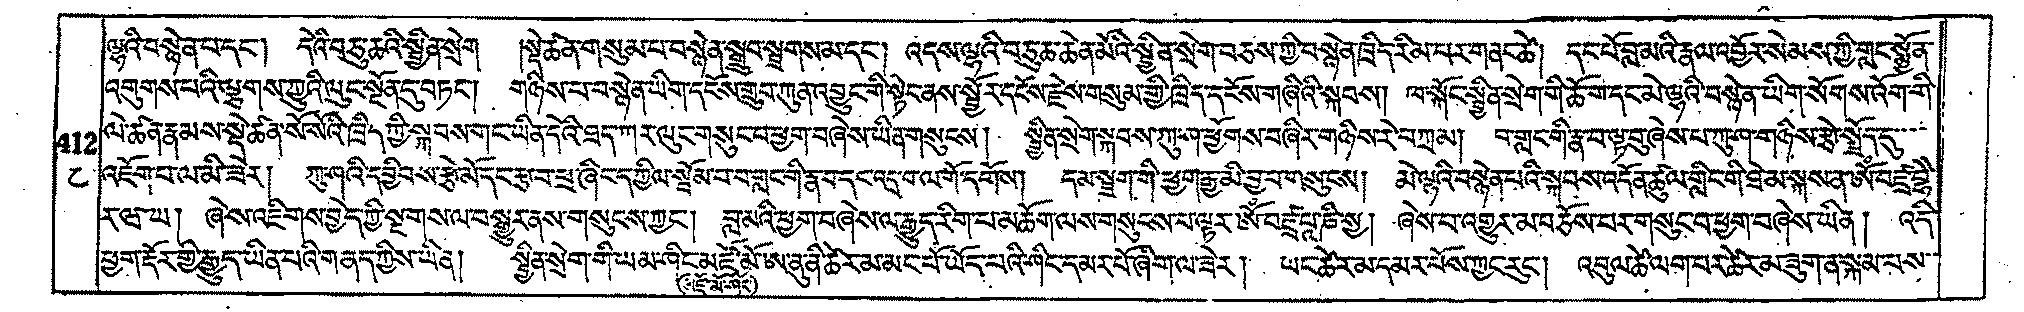ལྷའི་བསྙེན་པ་དང་། དེའི་བཅུ་ཆའི་སྦྱིན་སྲེག །སྡེ་ཚན་གསུམ་པ་བསྙེན་སྒྲུབ་སྦྲགས་མ་དང་། འདས་ལྷའི་བཅུ་ཆ་ཆེན་མོའི་སྦྱིན་སྲེག་བཅས་ཀྱི་བསྙེན་ཁྲིད་རིམ་པར་གནང་ཚེ། དང་པོ་བླ་མའི་རྣལ་འབྱོར་སེམས་ཀྱི་གླང་སྨྱོན་
འགུགས་པའི་ལྕགས་ཀྱུའི་ལུང་སྔོན་དུ་བཏང་། གཉིས་པ་བསྙེན་ཡིག་དངོས་གྲུབ་ཀུན་འབྱུང་གི་སྟེང་ནས་སྦྱོར་དངོས་རྗེས་གསུམ་གྱི་ཁྲིད་དངོས་གཞིའི་སྐབས། ཁ་སྐོང་སྦྱིན་སྲེག་གི་ཆོ་ག་དང་མེ་ལྷའི་བསྙེན་ཡིག་སོགས་འོག་གི་
ལེ་ཚན་རྣམས་སྡེ་ཚན་སོ་སོའི་ཁྲིད་ཀྱི་སྐབས་གང་ཡིན་དེའི་ཐད་ཀར་ལུང་གསུང་བ་ཕྱག་བཞེས་ཡིན་གསུངས། སྦྱིན་སྲེག་སྐབས་སུ་ཀུ་ཤ་ཕྱོགས་བཞིར་གཉིས་རེ་བཀྲམ། བ་གླང་གི་རྣ་བ་ལྟ་བུ་ཞེས་པ་ཀུ་ཤ་གཉིས་རེ་བཀྲམ། བ་གླང་གི་རྣ་བ་ལྟ་བུ་ཞེས་པ་ཀུ་ཤ་གཉིས་རྩེ་སྤྲོད་དུ་་་
འཇོག་པ་ལ་མི་ཟེར། ཀུ་ཤའི་དབྱིབས་རྩེ་མོ་དང་རྩ་བ་ཕྲ་ཞིང་དཀྱིལ་སྦོམ་པ་བ་གླང་གི་རྣ་བ་དང་འདྲ་བ་ལ་གོ་དགོས། དམ་སྦྲག་གི་ཕྱག་རྒྱ་མོ་བྱ་བ་གསུངས། མེ་ལྷའི་བསྙེན་པའི་སྐབས་འདོན་ཚུལ་གླིང་གི་ཐེམ་སྐས་ན་ཨོཾ་བཛྲ་བྷཻ་
ར་ཝ་ཡ། ཞེས་འཇིགས་བྱེད་ཀྱི་སྔགས་ལ་བསྒྱུར་ནས་གསུངས་ཀྱང་། བླ་མའི་ཕྱག་བཞེས་ལ་རྒྱུད་རིག་པ་མཆོག་ལས་གསུངས་པ་ལྟར་ཨོཾ་བཛྲ་པཱ་ཎི་སྱ། ཞེས་པ་འགྱུར་མ་བཅོས་པར་གསུང་བ་ཕྱག་བཞེས་ཡིན། འདི་
ཕྱག་རྡོར་གྱི་རྒྱུད་ཡིན་པའི་གནད་ཀྱིས་ཡིན། སྦྱིན་སྲེག་གི་ཡམ་ཤིང་མཛོ་མོ་ཛོ་མོ་ཤིང་ཨ་ནུ་ནི་ཚེར་མ་མང་པོ་ཡོད་པའི་ཤིང་དམར་པོ་ཞིག་ལ་ཟེར། ཡང་ཚེར་མ་དམར་པོས་ཀྱང་རུང་། འབུལ་ཚེ་ལག་པར་ཚེར་མ་ཟུག་ན་སྐམ་པས་་་